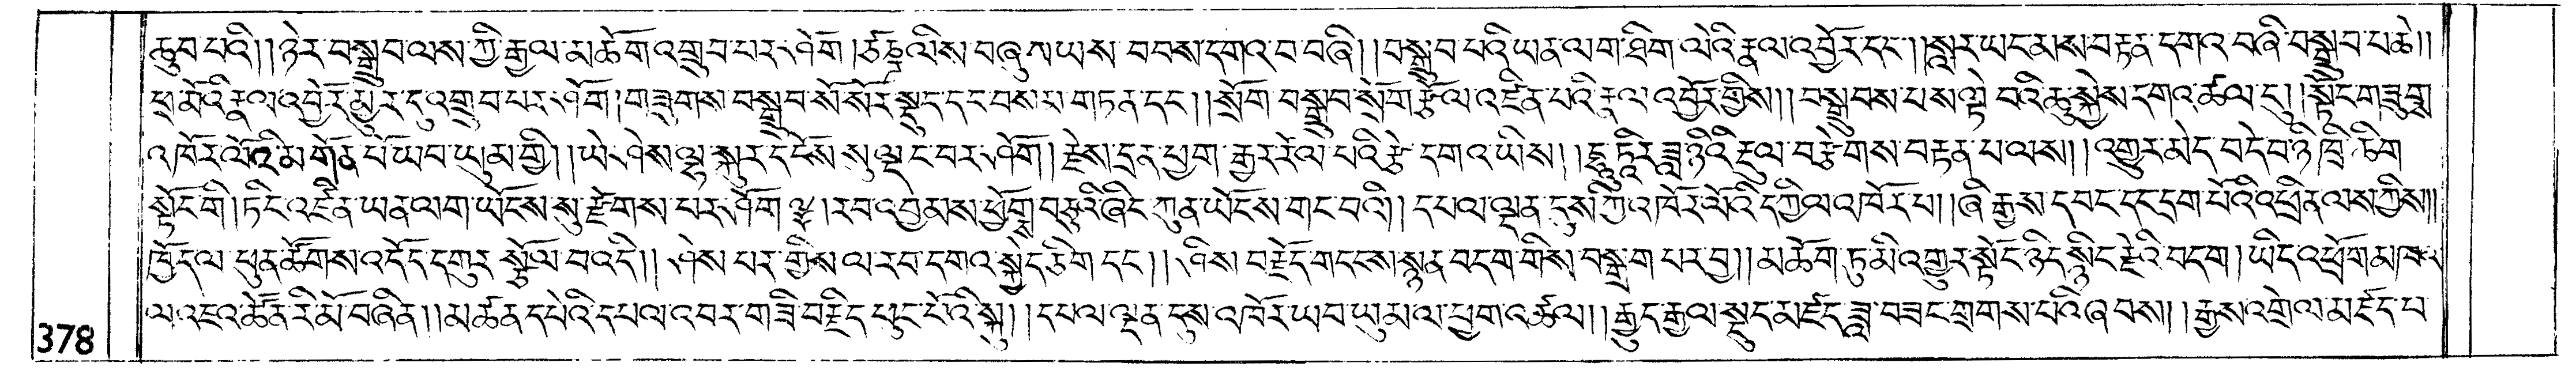ཆུབ་པའི། །ཉེར་བསྒྲུབ་ལས་ཀྱི་རྒྱལ་མཆོག་འགྲུབ་པར་ཤོག །ཙཎྜ་ལིས་བཞུས་ཡས་བབས་དགའ་བ་བཞི། །བསྒྲུབ་པའི་ཡན་ལག་ཐིག་ལེའི་རྣལ་འབྱོར་དང་། །སླར་ཡང་མས་བརྟན་དགའ་བཞི་བསྒྲུབ་པ་ཆེ། །
ཕྲ་མོའི་རྣལ་འབྱོར་མྱུར་དུ་འགྲུབ་པར་ཤོག །གཟུགས་བསྒྲུབ་སོ་སོར་སྡུད་དང་བསམ་གཏན་དང་། །སྲོག་བསྒྲུབ་སྲོག་རྩོལ་འཛིན་པའི་རྣལ་འབྱོར་གྱིས། །བསྒྲུབས་པས་ལྟེ་བའི་ཆུ་སྐྱེས་དགའ་ཚལ་དུ། །སྟོང་གཟུགས་
འཁོར་ལོའི་མགོན་པོ་ཡབ་ཡུམ་གྱི། །ཡེ་ཤེས་ལྷ་སྐུར་དངོས་སུ་ལྡང་བར་ཤོག །རྗེས་དྲན་ཕྱག་རྒྱར་རོལ་པའི་རྩེ་དགའ་ཡིས། །དྷཱུ་ཏཱིར་ཟླ་ཉིའི་རྡུལ་བརྩེགས་བརྟན་པ་ལས། །འགྱུར་མེད་བདེ་བ་ཉི་ཁྲི་ཆིག་
སྟོང་གི །ཏིང་འཛིན་ཡན་ལག་ཡོངས་སུ་རྫོགས་པར་ཤོག ༈ །རབ་འབྱམས་ཕྱོགས་བཅུའི་ཞིང་ཀུན་ཡོངས་གང་བའི། །དཔལ་ལྡན་དུས་ཀྱི་འཁོར་ལོའི་དཀྱིལ་འཁོར་པ། །ཞི་རྒྱས་དབང་དང་དྲག་པོའི་འཕྲིན་ལས་ཀྱིས། །
ཁྱོད་ལ་ཕུན་ཚོགས་འདོད་དགུར་སྩོལ་བ་འདི། །ཤེས་པར་གྱིས་ལ་རབ་དགའ་སྐྱེད་ཅིག་དང་། །ཤིས་བརྗོད་གདངས་སྙན་བདག་གིས་བསྒྲག་པར་བྱ། །མཆོག་ཏུ་མི་འགྱུར་སྟོང་ཉིད་སྙིང་རྗེའི་བདག །ཡིད་འཕྲོག་མཁའ་
ལ་འཇའ་ཚོན་རི་མོ་བཞིན། །མཚན་དཔེའི་དཔལ་འབར་གཟི་བརྗིད་ཕུང་པོའི་སྐུ། །དཔལ་ལྡན་དུས་འཁོར་ཡབ་ཡུམ་ལ་ཕྱག་འཚལ། །རྒྱུད་རྒྱལ་སྡུད་མཛད་ཟླ་བཟང་གྲགས་པའི་ཞབས། །རྒྱས་འགྲེལ་མཛད་པ་